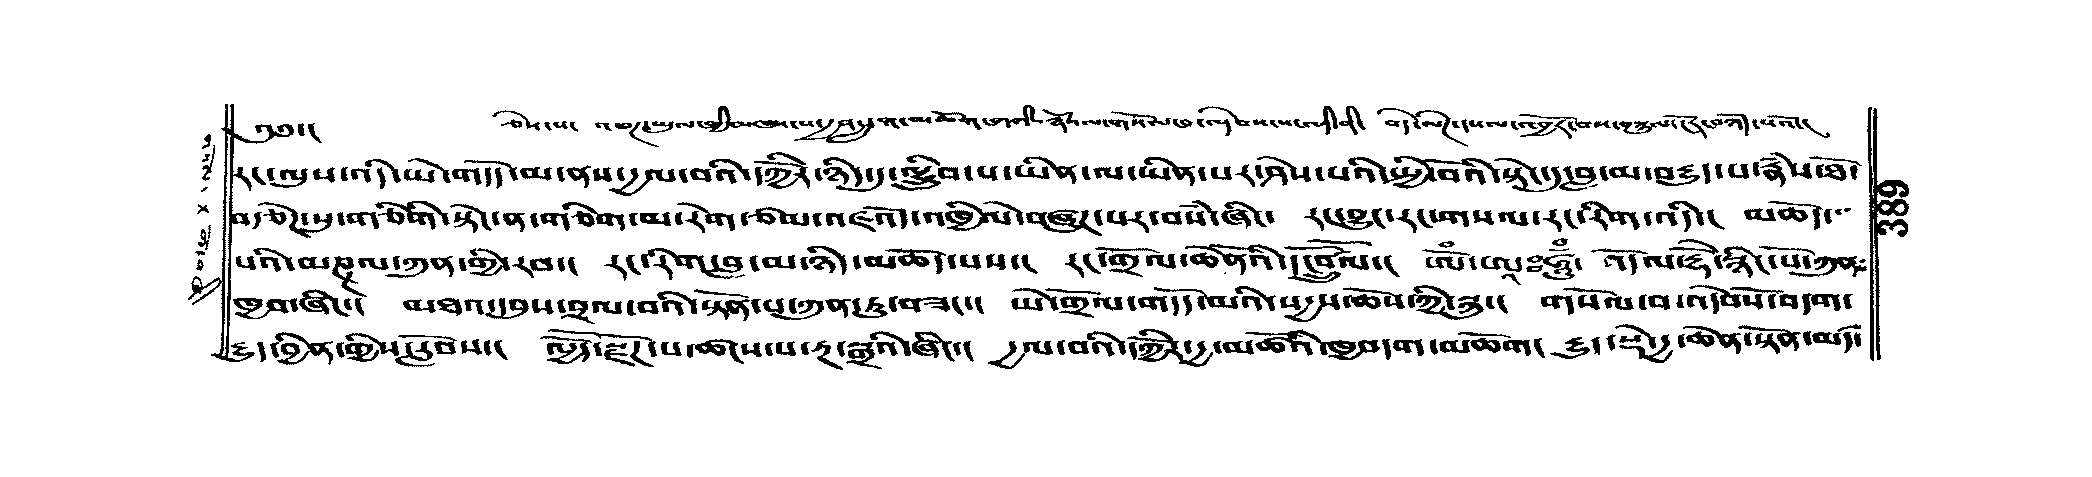ཅེས་པ་འཕགས་ཡུལ་གྱི་མཁས་པ་རྒྱན་དྲུག་མཆོག་གཉིས་རྣམས་ལ་གསོལ་བ་འདེབས་པ་འདི་ནི། བདེ་ལེགས་དཔལ་བྱོར་བས་བསྐུལ་ངོར་བཀོད་པའོ།། 
རང་ལུས་འདི་ཡེ་གདོད་མ་ནས་རྒྱལ་བའི་དཀྱིལ་འཁོར་ཉིད་དུ་ལྷུན་གྱིས་གྲུབ་པ་ཡིན་ལ་ཡིན་པར་ཤེས་པའི་སྤྱི་བོའི་སྟེང་དུ་བླ་མ་བརྒྱུད་པ་རྣམས་ཐོ་
བརྩེགས་སུ་གཅིག་གི་སྟེང་ན་གཅིག་མ་རེག་ཙམ་འཇའ་འོད་འཁྱིལ་ལེ་བཞུགས་པར་བསམ་ཞིང་། རང་བྱུང་རང་གསལ་རང་རིག་འདི། །མཆོད་
པའི་མཎྜལ་ཀུན་གྱི་རབ། །རང་རིག་བླ་མ་ཉིད་མཆོད་པས། །རང་གྲོལ་ཆེན་པོའི་དངོས་གྲུབ་གསོལ། ཨོཾ་ཨཱཿཧཱུྃ། འོད་གསལ་རྡོ་རྗེ་སྙིང་པོ་ཀུན་
ཁྱབ་ཞིང་། །མཐའ་དབུས་ཐལ་བའི་སྟོན་པ་ཀུན་ཏུ་བཟང་། །ཡེ་གྲོལ་གདོད་མའི་སངས་རྒྱས་ཆོས་ཀྱི་སྐུ། །གསོལ་བ་འདེབས་སོ་བདག་
རྒྱུད་བྱིན་གྱིས་རློབས། །ལོངས་སྤྱོད་རྫོགས་པ་ཚངས་པ་རྔ་སྒྲའི་ཞིང་། །རྒྱལ་བའི་དཀྱིལ་འཁོར་རྒྱ་མཚོའི་ཁྱབ་བདག་མཆོག །རྒྱུད་སྡེ་རྒྱ་ཆེན་སྟོན་མཛད་